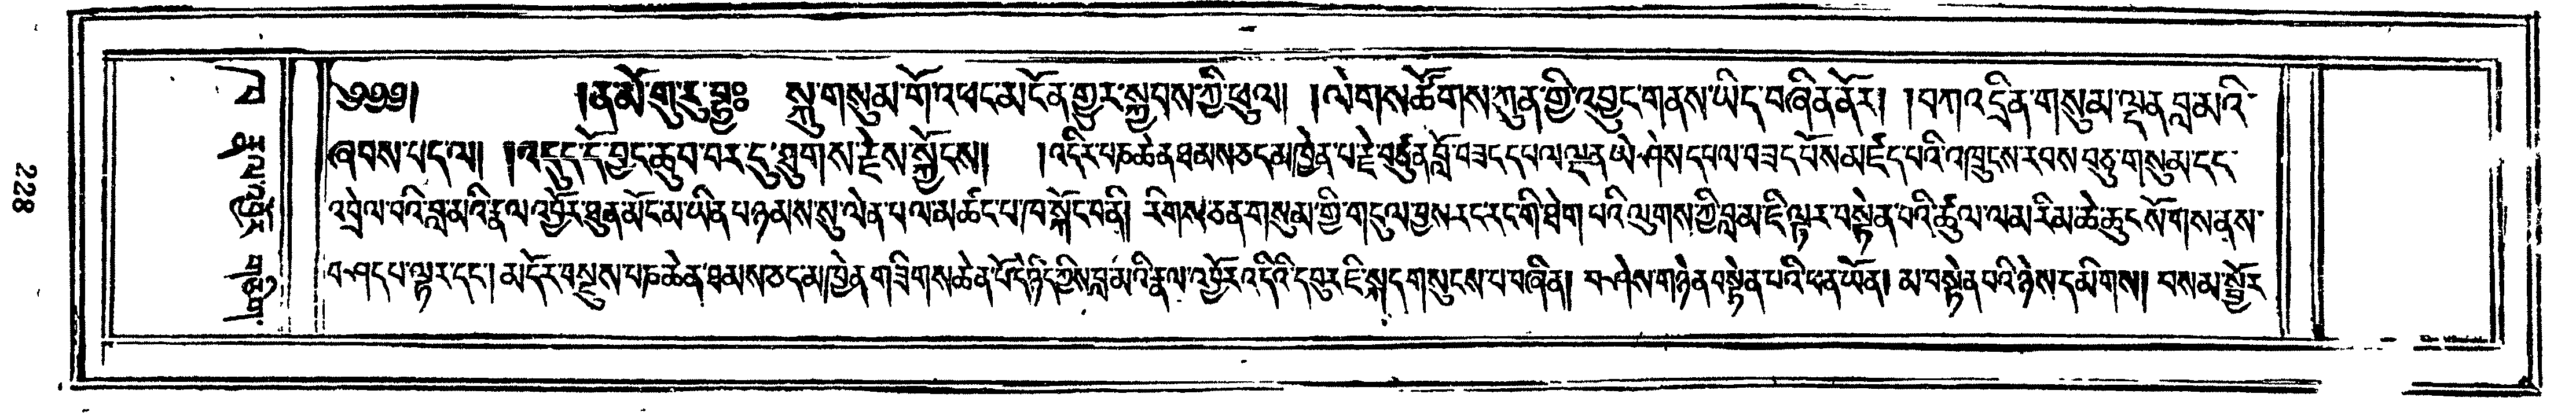༄༅༅། །ན་མོ་གུ་རུ་བྷྱཿ སྐུ་གསུམ་གོ་འཕང་མངོན་གྱུར་སྐྱབས་ཀྱི་ཕུལ། །ལེགས་ཚོགས་ཀུན་གྱི་འབྱུང་གནས་ཡིད་བཞིན་ནོར། །བཀའ་དྲིན་གསུམ་ལྡན་བླ་མའི་
ཞབས་པད་ལ། །འདུད་དོ་བྱང་ཆུབ་བར་དུ་ཐུགས་རྗེས་སྐྱོངས། །འདིར་པཎ་ཆེན་ཐམས་ཅད་མཁྱེན་པ་རྗེ་བཙུན་བློ་བཟང་དཔལ་ལྡན་ཡེ་ཤེས་དཔལ་བཟང་པོས་མཛད་པའི་འཁྲུངས་རབས་བཅུ་གསུམ་དང་
འབྲེལ་བའི་བླ་མའི་རྣལ་འབྱོར་ཐུན་མོང་མ་ཡིན་པ་ཉམས་སུ་ལེན་པ་ལ་མ་ཚང་པ་ཁ་སྐོང་བ་ནི། རིགས་ཅན་གསུམ་གྱི་གདུལ་བྱས་རང་རང་གི་ཐེག་པའི་ལུགས་ཀྱི་བླ་མ་ཇི་ལྟར་བསྟེན་པའི་ཚུལ་ལམ་རིམ་ཆེ་ཆུང་སོགས་ནས་
བཤད་པ་ལྟར་དང་། མདོར་བསྡུས་པཎ་ཆེན་ཐམས་ཅད་མཁྱེན་གཟིགས་ཆེན་པོ་དེ་ཉིད་ཀྱིས་བླ་མའི་རྣལ་འབྱོར་འདིའི་དབུར་ཇི་སྐད་གསུངས་པ་བཞིན། བཤེས་གཉེན་བསྟེན་པའི་ཕན་ཡོན། མ་བསྟེན་པའི་ཉེས་དམིགས། བསམ་སྦྱོར་